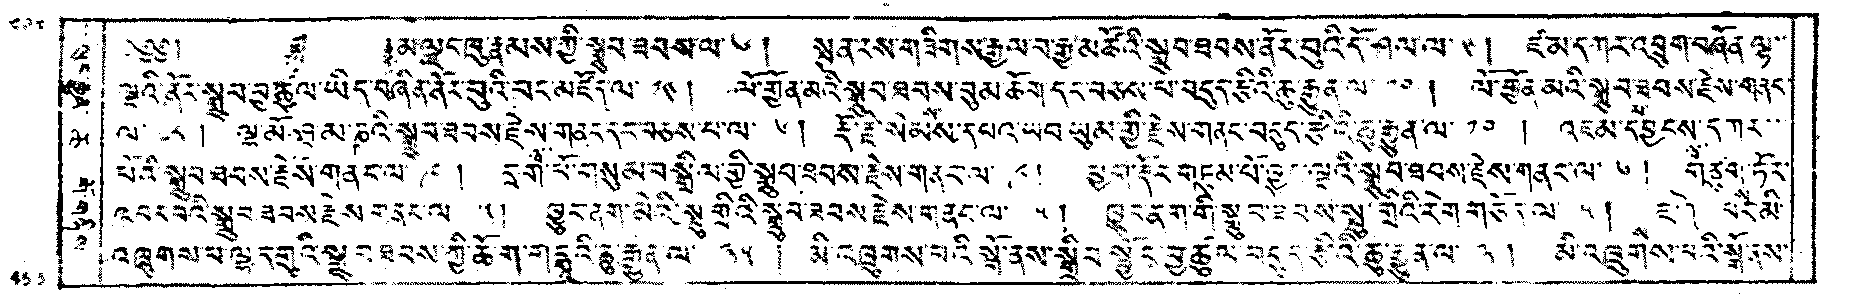༄༅། །མ་ལྗང་ཁུ་རྣམས་ཀྱི་སྒྲུབ་ཐབས་ལ ༦། སྤྱན་རས་གཟིགས་རྒྱལ་བ་རྒྱ་མཚོའི་སྒྲུབ་ཐབས་ནོར་བུའི་དོ་ཤལ་ལ ༤། ཛམ་དཀར་འབྲུག་བཞོན་ལྷ་
ལྔའི་ནོར་སྒྲུབ་བྱ་ཚུལ་ཡིད་བཞིན་ནོར་བུའི་བང་མཛོད་ལ ༡༤། ལོ་གྱོན་མའི་སྒྲུབ་ཐབས་བུམ་ཆོག་དང་བཅས་པ་བདུད་རྩིའི་ཆུ་རྒྱུན་ལ ༡༠། ལོ་གྱོན་མའི་སྒྲུབ་ཐབས་རྗེས་གནང་
ལ ༨། ལྷ་མོ་ཤྲ་མ་ཎའི་སྒྲུབ་ཐབས་རྗེས་གནང་དང་བཅས་པ་ལ ༦། རྡོ་རྗེ་ས་སེམས་དཔའ་ཡབ་ཡུམ་གྱི་རྗེས་གནང་བདུད་རྩིའི་ཆུ་རྒྱུན་ལ ༡༠། འཇམ་མ་དབྱངས་དཀར་
པོའི་སྒྲུབ་ཐབས་རྗེས་གནང་ལ ༩། དྲག་ཝ་པོ་གསུམ་བསྒྲིལ་གྱི་སྒྲུབ་ཐབས་རྗེས་གནང་ལ ༩། ཕྱག་རྡོར་གཏུམ་པོ་ཁྱུང་ལྔའི་སྒྲུབ་ཐབས་རྗེས་གནང་ལ ༦། ཝ་གཙུག་ཏོར་
འབར་བའི་སྒྲུབ་ཐབས་རྗེས་གནང་ལ ༥། ཁྱུང་ནག་མེའི་སྤུ་གྲིའི་སྒྲུབ་ཐབས་རྗེས་གནང་ལ ༥། ཁྱུང་ནག་གི་སྒྲུབ་ཐབས་སྤུ་གྲིའི་རེག་གཅོད་ལ ༥། ཇ྄་པར་ས་མི་
འཁྲུགས་པ་ལྷ་དགུའི་སྒྲུབ་ཐབས་ཀྱི་ཆོ་ག་གངྒཱའི་ཆུ་རྒྱུན་ལ ༣༥། མི་འཁྲུགས་པའི་སྒོ་ནས་སྒྲིབ་སྦྱོང་བྱ་ཚུལ་བདུད་རྩིའི་ཆུ་རྒྱུན་ལ ༣། མི་འཁྲུགས་པའི་སྒོ་ནས་